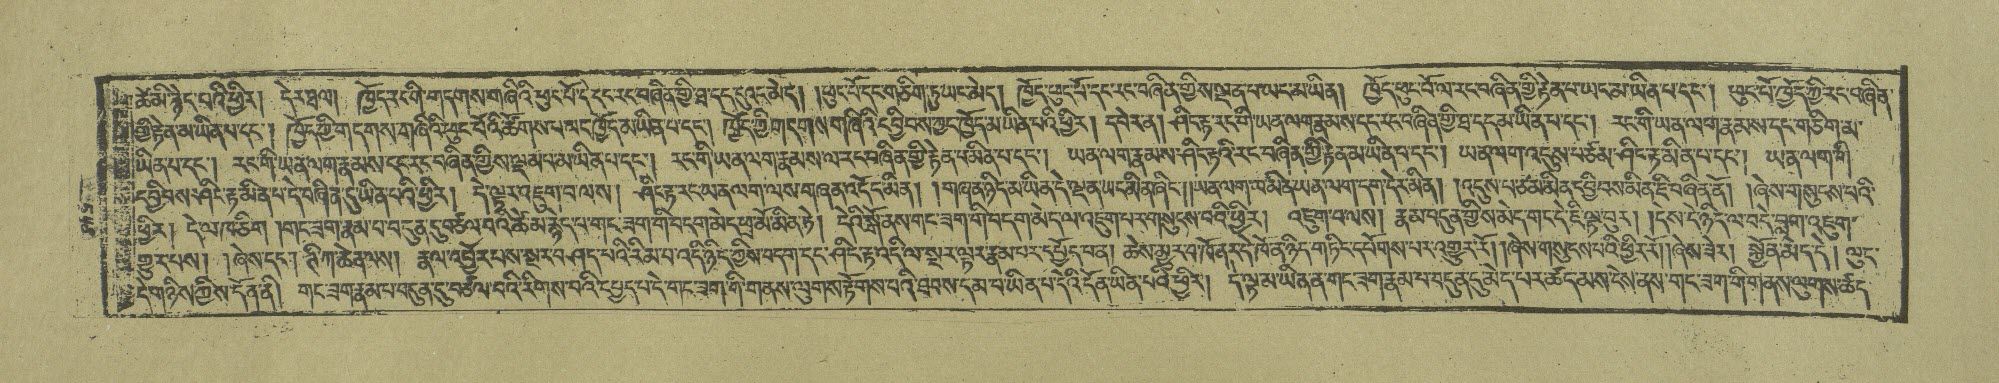ཚེ་མི་རྙེད་པའི་ཕྱིར། དེར་ཐལ། ཁྱོད་རང་གི་གདགས་གཞིའི་ཕུང་པོ་དེ་དང་རང་བཞིན་གྱི་ཐ་དད་དུའང་མེད། །ཕུང་པོ་དང་གཅིག་ཏུ་ཡང་མེད། ཁྱོད་ཕུང་པོ་དང་རང་བཞིན་གྱིས་ལྡན་པ་ཡང་མ་ཡིན། ཁྱོད་ཕུང་པོ་ལ་རང་བཞིན་གྱི་རྟེན་པ་ཡང་མ་ཡིན་པ་དང་། ཕུང་པོ་ཁྱོད་ཀྱི་རང་བཞིན་
གྱི་རྟེན་མ་ཡིན་པ་དང་། ཁྱོད་ཀྱི་གདགས་གཞིའི་ཕུང་པོའི་ཚོགས་པ་ཡང་ཁྱོད་མ་ཡིན་པ་དང་། ཁྱོད་ཀྱི་གདགས་གཞིའི་དབྱིབས་ཀྱང་ཁྱོད་མ་ཡིན་པའི་ཕྱིར། དཔེར་ན། ཤིང་རྟ་རང་གི་ཡན་ལག་རྣམས་དང་རང་བཞིན་གྱི་ཐ་དད་མ་ཡིན་པ་དང་། རང་གི་ཡན་ལག་རྣམས་དང་གཅིག་མ་
ཡིན་པ་དང་། རང་གི་ཡན་ལག་རྣམས་དང་རང་བཞིན་གྱིས་ལྡན་པ་མ་ཡིན་པ་དང་། རང་གི་ཡན་ལག་རྣམས་ལ་རང་བཞིན་གྱི་རྟེན་པ་མིན་པ་དང་། ཡན་ལག་རྣམས་ཤིང་རྟའི་རང་བཞིན་གྱི་རྟེན་མ་ཡིན་པ་དང་། ཡན་ལག་འདུས་པ་ཙམ་ཤིང་རྟ་མིན་པ་དང་། ཡན་ལག་གི་
དབྱིབས་ཤིང་རྟ་མིན་པ་དེ་བཞིན་དུ་ཡིན་པའི་ཕྱིར། དེ་ལྟར་འཇུག་པ་ལས། ཤིང་རྟ་རང་ཡན་ལག་ལས་གཞན་འདོད་མིན། །གཞན་ཉིད་མ་ཡིན་དེ་ལྡན་ཡང་མིན་ཞིང་། །ཡན་ལག་ལ་མིན་ཡན་ལག་དག་དེར་མིན། །འདུས་པ་ཙམ་མིན་དབྱིབས་མིན་ཇི་བཞིན་ནོ། །ཞེས་གསུངས་པའི་
ཕྱིར། དེ་ལ་ཁ་ཅིག །གང་ཟག་རྣམ་པ་བདུན་དུ་བཙལ་བའི་ཚེ་མ་རྙེད་པ་གང་ཟག་གི་བདག་མེད་ཕྲ་མོ་མིན་ཏེ། དེའི་སྒོ་ནས་གང་ཟག་གི་བདག་མེད་ལ་འཇུག་པར་གསུངས་པའི་ཕྱིར། འཇུག་པ་ལས། རྣམ་བདུན་གྱིས་མེད་གང་དེ་ཇི་ལྟ་བུར། །དེས་དེ་ཉིད་ལ་བདེ་བླག་འཇུག་
གྱུར་པས། །ཞེས་དང་། ཊིཀ་ཆེན་ལས། རྣལ་འབྱོར་བས་སྔར་བཤད་པའི་རིམ་པ་འདི་ཉིད་ཀྱིས་བདག་དང་ཤིང་རྟ་འདི་ལ་སྔར་ལྟར་རྣམ་པར་དཔྱོད་པ་ན། ཆེས་མྱུར་བ་ཁོ་ནར་དེ་ཁོ་ན་ཉིད་གཏིང་དཔོགས་པར་འགྱུར་རོ། །ཞེས་གསུངས་པའི་ཕྱིར་རོ། །ཞེས་ཟེར། སྐྱོན་མེད་དེ། ལུང་
དེ་གཉིས་ཀྱིས་དོན་ནི། གང་ཟག་རྣམ་པ་བདུན་དུ་བཙལ་བའི་རིགས་པའི་དཔྱད་པ་དེ་གང་ཟག་གི་གནས་ལུགས་རྟོགས་པའི་ཐབས་དམ་པ་ཡིན་པ་དེའི་དོན་ཡིན་པའི་ཕྱིར། དེ་ལྟ་མ་ཡིན་ན་གང་ཟག་རྣམ་པ་བདུན་དུ་མེད་པར་ཚད་མས་ངེས་ནས་གང་ཟག་གི་གནས་ལུགས་ཚད་